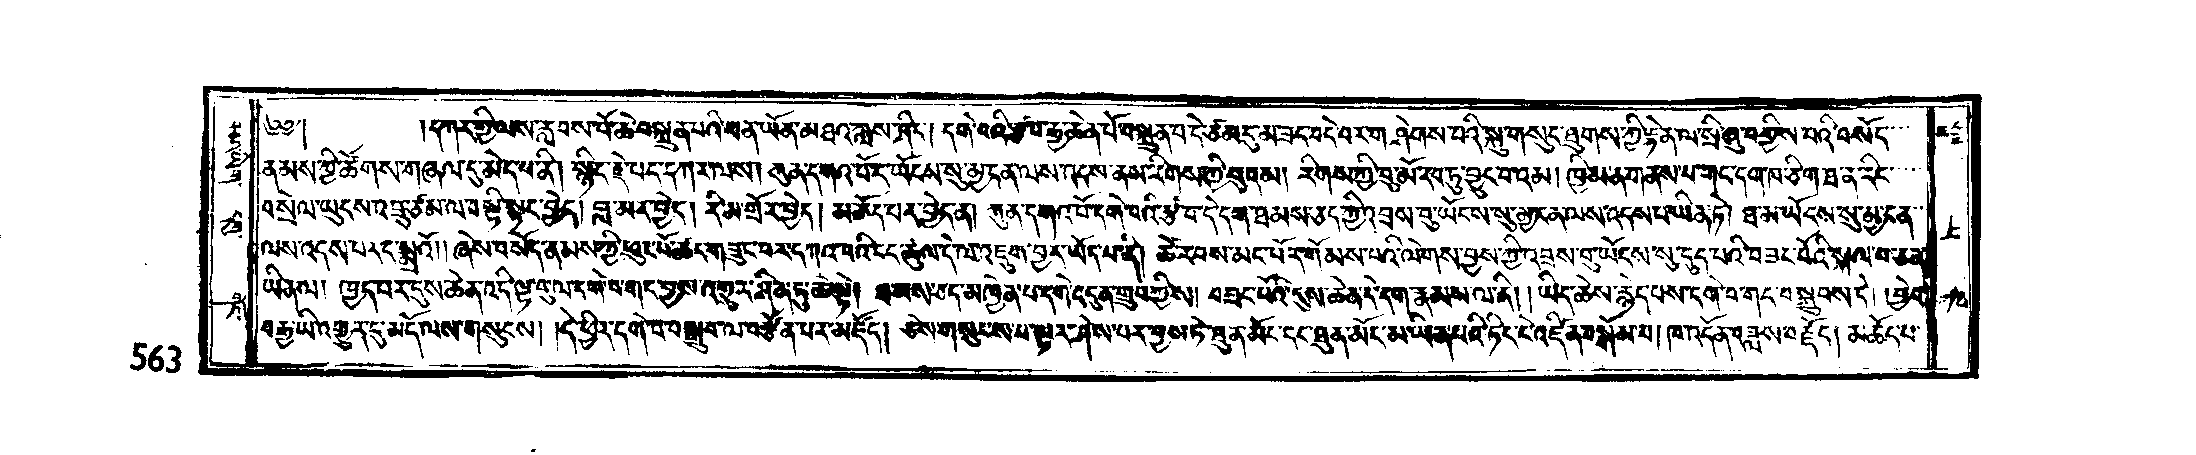༄༅། །དཀར་གྱི་ལས་རླབས་པོ་ཆེ་བསྐྲུན་པའི་ཕན་ཡོན་མཐའ་ཀླས་ཤིང་། དགེ་བའི་རྩ་བ་རྒྱ་ཆེན་པོ་བསྐྲུན་པ་དེ་ཙམ་དུ་མ་ཟད་བདེ་བར་གཤེགས་པའི་སྐུ་གསུང་ཐུགས་ཀྱི་རྟེན་ལ་སྲི་ཞུ་བགྱིས་པའི་བསོད་
ནམས་ཀྱི་ཚོགས་གཞལ་དུ་མེད་པ་ནི། སྙིང་རྗེ་པད་དཀར་ལས། ཀུན་དགའ་བོར་ཡོངས་སུ་མྱ་ངན་ལས་འདས་ནས་རིགས་ཀྱི་བུའམ། རིགས་ཀྱི་བུ་མོ་རབ་ཏུ་བྱུང་བ་འམ། ཁྱིམ་ན་གནས་པ་གང་དག་ཁ་ཅིག་ཐ་ན་རིང་
བསྲེལ་ཡུངས་འབྲུ་ཙམ་ལ་བསྟི་སྟང་བྱེད། བླ་མར་བྱེད། རིམ་གྲོར་བྱེད། མཆོད་པར་བྱེད་ན། ཀུན་དགའ་བོ་དགེ་བའི་རྩ་བ་དེ་དག་ཐམས་ཅད་ཀྱི་འབྲས་བུ་ཡོངས་སུ་མྱ་ངན་ལས་འདས་པ་ཡིན་ཏེ། ཐ་མ་ཡོངས་སུ་མྱ་ངན་
ལས་འདས་པར་ང་སྨྲའོ། །ཞེས་བསོད་ནམས་ཀྱི་ཕུང་པོ་ཚང་གཟུང་བར་དཀའ་བའི་ངང་ཚུལ་དེ་ལ་འཇུག་བྱར་ཡོད་པ་ནི། ཚེ་རབས་མང་པོར་གོམས་པའི་ལེགས་བྱས་ཀྱི་འབྲས་བུ་ཡོངས་སུ་དུད་པའི་བཟང་པོའི་སྐལ་བ་ཅན་
ཡིན་ལ། ཁྱད་པར་དུས་ཆེན་འདི་ལྟ་བུ་ལ་དགེ་བ་གང་བྱས་འགྱུར་ཤིན་ཏུ་ཆེ་སྟེ། ཐམས་ཅད་མཁྱེན་པ་དགེ་འདུན་གྲུབ་ཀྱིས། བཟང་པོའི་དུས་ཆེན་དེ་དག་རྣམས་ལ་ནི། །ཡིད་ཆེས་རྙེད་པས་དགེ་བ་གང་བསྒྲུབས་དེ། །བྱེ་བ་
བརྒྱ་ཡི་འགྱུར་དུ་མདོ་ལས་གསུངས། །དེ་ཕྱིར་དགེ་བ་བསྒྲུབ་ལ་བརྩོན་པར་མཛོད། ཅེས་གསུངས་པ་ལྟར་ཤེས་པར་བྱས་ཏེ་ཐུན་མོང་དང་ཐུན་མོང་མ་ཡིན་པའི་ཏིང་ངེ་འཛིན་བསྒོམ་པ། ཁ་འདོན་བཟླས་བརྗོད། མཆོད་པ་